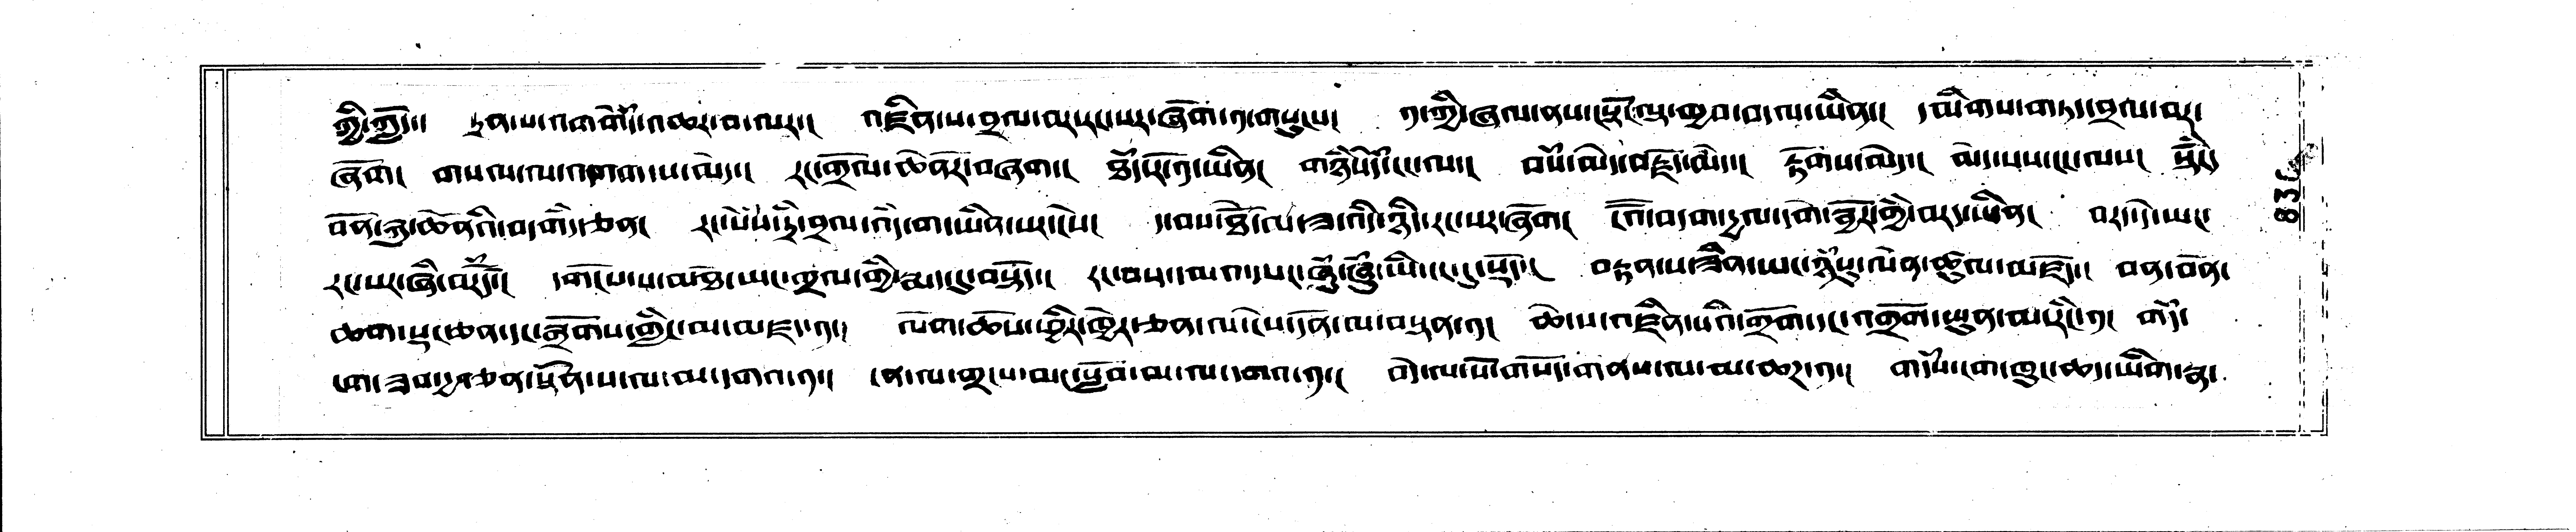ཀྱིས་ཀློད། དྲན་པ་འགག་མེད་འཆར་བ་ལར། འཛིན་པ་བྲལ་བར་རང་སར་ཞོག་ཅིག་གསུངས། གཅིག་ཀྱི་ཞལ་ནས། སྟོང་ལྟ་ཁྱབ་བདལ་ཡིན། དམིགས་གཏད་བྲལ་བར་
ཞོག གསལ་ལ་འགག་པ་མེད། རང་གྲོལ་ཆེན་པོར་བཞག ཐམས་ཅད་རོ་གཅིག་ཡིན། གཉིས་མེད་ངང་ལ། བསམ་མེད་བརྗོད་མེད། རྟོག་མེད། མེད་པའི་ངང་ལས། སྟོང་
ཉིད་བོན་སྐུ་ཆེན་པོའི་བདག་ཉིད་ཅན། །རང་སེམས་དྲི་བྲལ་འདི་ག་ཡིན་པར་ངེས། །དེ་བས་ཐེ་ཚོམ་མ་ཟ་འདི་ཉིད་རང་སར་ཞོག །ང་འོ་བདག་རྒྱལ་དགེ་སྦྱོར་གྱི་བར་ཆད་ཡིན། །བར་ཡང་
རང་སར་ཞི་བར་མཛོད། །དགོངས་པ་མཐོ་ཡང་གྲལ་གྱི་སྨད་དུ་བསྟོད། །རང་བས་དམའ་ཡང་ཞུམ་ཞུམ་ཡི་ངང་དུ་སྡོད། །བརྟན་ས་ཟིན་ཡང་ཉམས་སུ་ལེན་ཚུལ་མཛོད། །བན་བོན་
ཆགས་སྡང་ཅན་དང་སྒྲོག་གླེང་མ་མཛད་ཅིག །ལོག་ཆོས་ཕྱིར་ཁྱེར་ཅན་ལ་ངེས་དོན་མ་བསྟན་ཅིག །ཆེ་ས་འཛིན་པའི་གྲོགས་དང་འགྲོག་ཡུན་མ་རིང་ཅིག །གདམས་
ངག་ཟབ་རྒྱས་ཅན་སྟོན་པ་ལ་མ་དགའ་ཅིག །ངན་ལ་གྲངས་མང་སློབ་མ་ལ་མ་དགའ་ཅིག །བདེ་ལ་སོ་གསོད་གནས་ལ་མ་ཆགས་ཅིག །གདམས་ངག་ཁུངས་ཆད་ཡིག་སྣ་